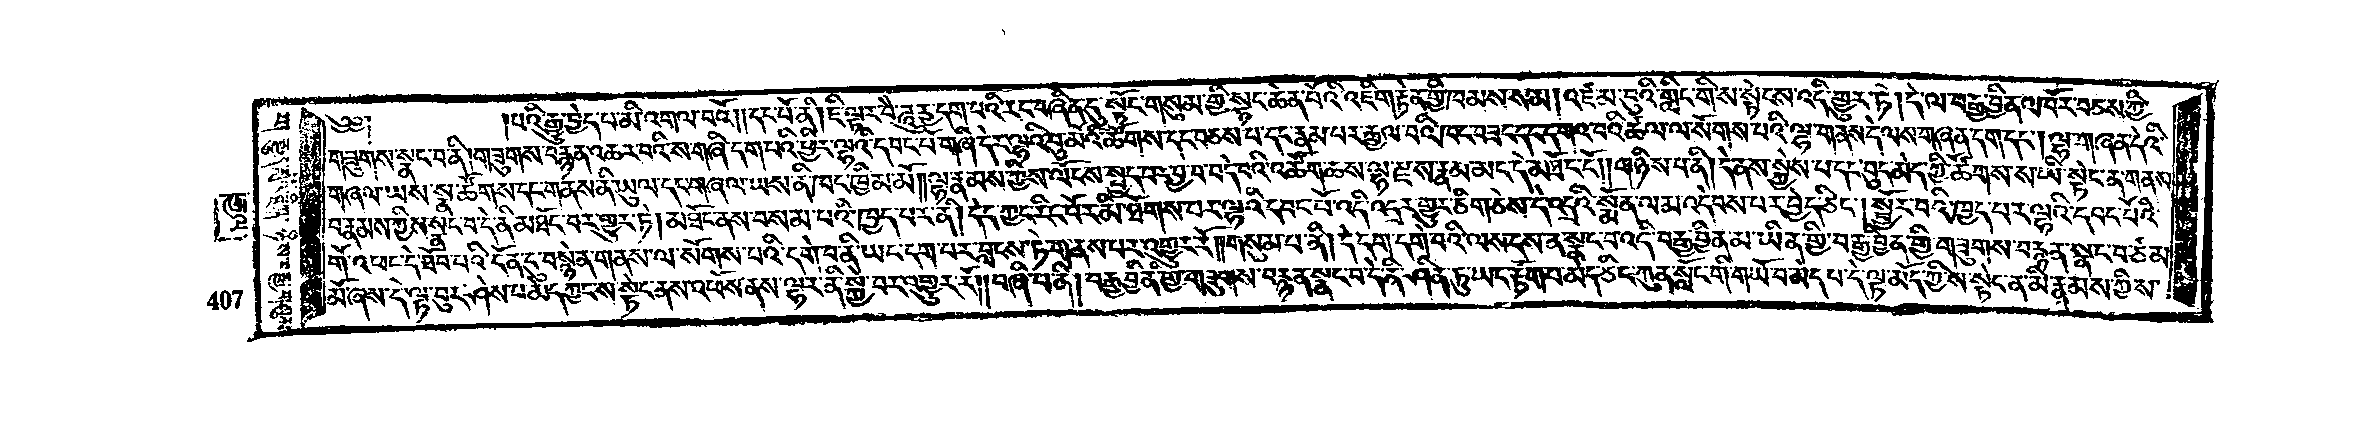༄༅། །པའི་རྒྱུ་བྱེད་པ་མི་འགལ་བའོ། །དང་པོ་ནི། ཇི་ལྟར་བཻ་ཌཱུ་རྱ་དག་པའི་རང་བཞིན་དུ་སྟོང་གསུམ་གྱི་སྟང་ཆེན་པོའི་ཇིག་རྟེན་གྱི་ཁམས་སམ། འཛམ་བུའི་གླིང་གིས་སྟེངས་འདི་གྱུར་ཏེ། དེ་ལ་བརྒྱ་བྱིན་འཁོར་བཅས་ཀྱི་
གཟུགས་སྣང་བ་ནི། གཟུགས་བརྙན་འཆར་བའི་ས་གཞི་དག་པའི་ཕྱིར་ལྷའི་དབང་པོ་གཞི་དེར་ལྷའི་བུ་མོའི་ཚོགས་དང་བཅས་པ་དང་རྣམ་པར་རྒྱལ་བའི་ཁང་བཟང་དང་དགའ་བའི་ཚལ་ལ་སོགས་པའི་ལྷ་གནས་དེ་ལས་གཞན་དག་དང་། ལྷ་གཞན་དེའི་
གཞལ་ཡས་སྣ་ཚོགས་དང་ནས་ནི་ཡུལ་དང་གཞལ་ཡས་ནི་ཁང་ཁྱིམ་མོ། །ལྷ་རྣམས་ཀྱིས་ལོངས་སྤྱད་པར་བྱ་བ་བདེ་བའི་འཚོག་ཆས་ལྷ་རྫས་རྣམ་མང་དེ་མཐོང་ངོ། །གཉིས་པ་ནི། དེ་ནས་སྐྱེས་པ་དང་བུད་མེད་ཀྱི་ཚོགས་ས་ཡི་སྟེང་ནས་ངས་
པ་རྣམས་ཀྱིས་སྣང་བ་དེ་ནི་མཐོང་བར་གྱུར་ཏེ། མཐོང་ན་བསམ་པའི་ཁྱད་པར་ནི། དེང་ཀྱང་རིང་པོར་མི་ཐོགས་པར་ལྷའི་དབང་པོ་འདི་འདྲར་གྱུར་ཅིག་ཅེས་དེ་འདྲའི་སྨོན་ལམ་འདེབས་པར་བྱེད་ཅིང་། སྦྱོར་བའི་ཁྱད་པར་ལྷའི་དབང་པོའི་
གོ་འཕང་དེ་ཐོབ་པའི་དོན་དུ་བསྙེན་གནས་ལ་སོགས་པའི་དགེ་བ་ནི་ཡང་དག་པར་བླངས་ཏེ་གནས་པར་འགྱུར་རོ། །གསུམ་པ་ནི། དེ་དག་དགེ་བའི་ལས་ངས་ན་སྣང་བ་འདི་བརྒྱ་བྱིན་མ་ཡིན་གྱི་བརྒྱ་བྱིན་གྱི་གཟུགས་བརྙན་སྣང་བ་ཙམ་
མོ་ཞེས་དེ་ལྟ་བུར་ཤེས་པ་མེད་ཀྱང་ས་སྟེང་ནས་འཕོས་ནས་ལྷར་ནི་སྐྱེ་བར་འགྱུར་རོ། །བཞི་པ་ནི། བརྒྱ་བྱིན་གྱི་གཟུགས་བརྙན་སྣང་བ་དེ་ནི་ཤིན་ཏུ་ཡང་རྟོག་པ་མེད་ཅིང་ཀུན་སློང་གི་གཡོ་བ་མེད་པ་དེ་ལྟ་མདོ་ཀྱི་ས་སྟེང་ན་མི་རྣམས་ཀྱི་ས་